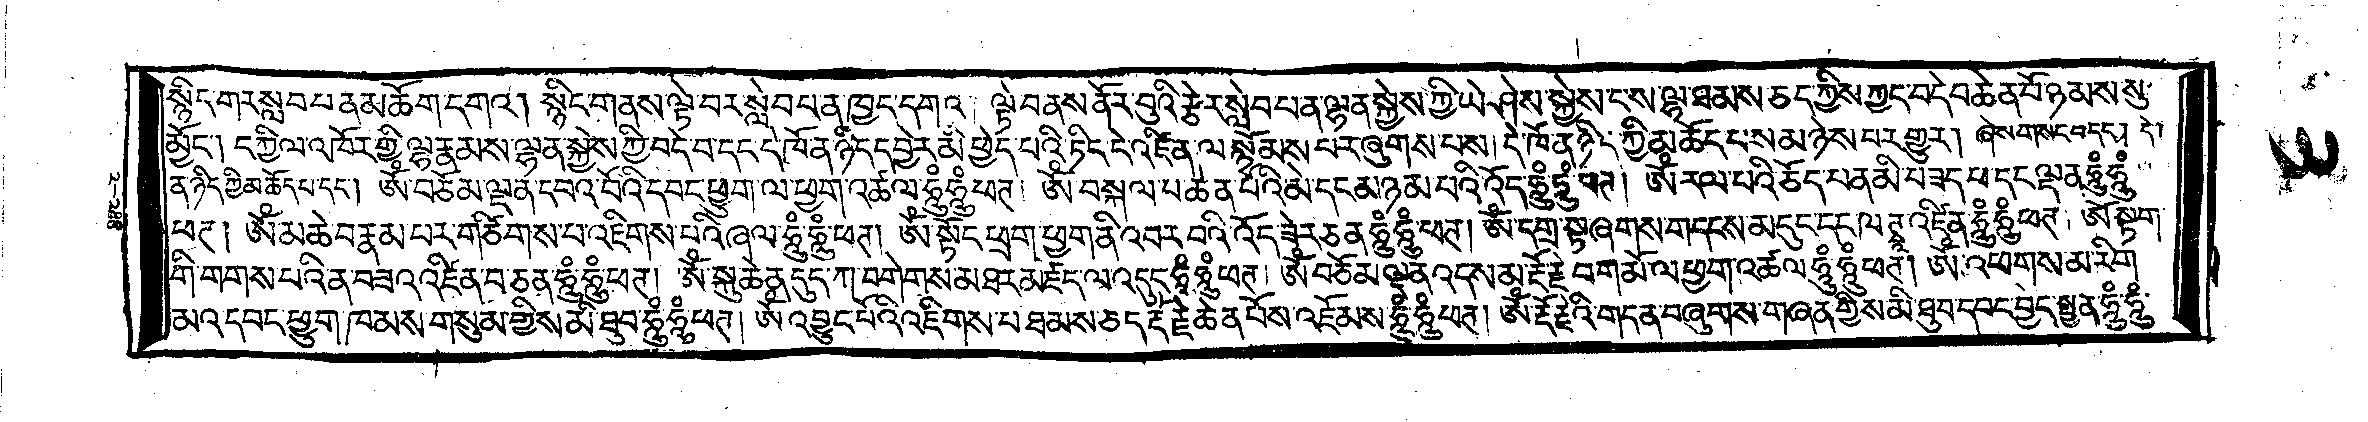སྙིང་གར་སླབ་པ་ན་མཆོག་དགའ། སྙིང་གནས་ལྟེ་བར་སླེབ་པ་ན་ཁྱད་དགའ། ལྟེ་བ་ནས་ནོར་བུའི་རྩེར་སླེབ་པ་ན་ལྷན་སྐྱེས་ཀྱི་ཡེ་ཤེས་སྐྱེས་པས་ལྷ་ཐམས་ཅད་ཀྱིས་ཀྱང་བདེ་བ་ཆེན་པོ་ཉམས་སུ་
མྱོང་། དཀྱིལ་འཁོར་གྱི་ལྷ་རྣམས་ལྷན་སྐྱེས་ཀྱི་བདེ་བ་དང་དེ་ཁོ་ན་ཉིད་དབྱེར་མི་ཕྱེད་པའི་ཏིང་ངེ་འཛིན་ལ་སྙོམས་པར་ཞུགས་པས། དེ་ཁོ་ན་ཉིད་ཀྱི་མཆོད་པས་མཉེས་པར་གྱུར། ཞེས་གསང་བ་དང་། དེ།
ན་ཉིད་ཀྱི་མཆོད་པ་དང་། ཨོཾ་བཅོམ་ལྡན་ལྡན་དཔའ་པོའི་དབང་ཕྱུག་ལ་ཕྱག་འཚལ་ཧཱུཾ་ཧཱུཾ་ཕཊ། ཨོཾ་བསྐལ་པ་ཆེན་པོའི་མེ་དང་མཉམ་པའི་འོད་ཧཱུཾ་ཧཱུཾ་ཕཊ། ཨོཾ་རལ་པའི་ཅོད་པཎ་མི་བཟད་པ་དང་ལྡན་ཧཱུཾ་ཧཱུཾ་
ཕཊ། ཨོཾ་མཆེ་བ་རྣམ་པར་གཙིགས་པ་འཇིགས་པའི་ཞལ་ཧཱུཾ་ཧཱུཾ་ཕཊ། ཨོཾ་སྟོང་ཕྲག་ཕྱག་ནི་འབར་བའི་འོད་ཟེར་ཅན་ཧཱུཾ་ཧཱུཾ་ཕཊ། ཨོཾ་དགྲ་སྟ་ཞགས་གདངས་མདུང་དང་ལཊྭཱ་འཛིན་ཧཱུཾ་ཧཱུཾ་ཕཊ། ཨོཾ་སྟག་
གི་གགས་པའི་ན་བཟའ་འཛིན་བ་ཅན་ཧཱུཾ་ཧཱུཾ་ཕཊ། ཨོཾ་སྐུ་ཆེན་དུད་ཀ་བགེགས་མཐར་མཛད་ལ་འདུད་ཧཱུཾ་ཧཱུཾ་ཕཊ། ཨོཾ་བཅོམ་ལྡན་འདས་མ་རྡོ་རྗེ་བག་མོ་ལ་ཕྱག་འཚལ་ཧཱུཾ་ཧཱུཾ་ཕཊ། ཨོཾ་འཕགས་མ་རིག་
མའི་དབང་ཕྱུག་ཁམས་གསུམ་གྱིས་མི་ཐུབ་ཧཱུཾ་ཧཱུཾ་ཕཊ། ཨོཾ་༑བྱུང་པོའི་འཇིགས་པ་ཐམས་ཅད་རྡོ་རྗེ་ཆེན་པོས་འཇོམས་ཧཱུམ་ཧཱུཾ་ཕཊ། ཨོཾ་རྡོ་རྗེའི་གདན་བཞུགས་གཞན་གྱིས་མི་ཐུབ་དབང་བྱེ་སྤྱན་ཧཱུམ་ཧཱུཾ་